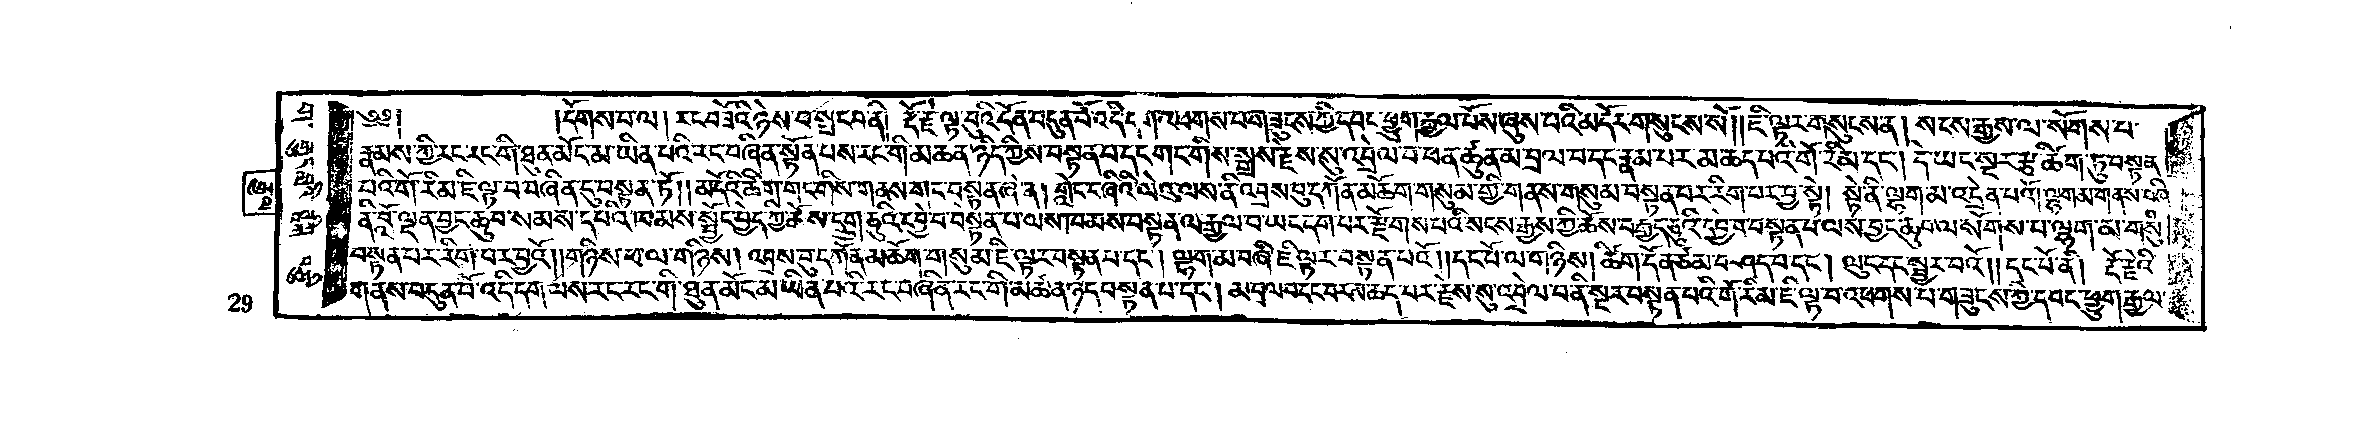༄༅། །དོགས་པ་ལ། རང་བཟོའི་ཉེས་པ་སྤང་བ་ནི། རྡོ་རྗེ་ལྟ་བུའི་དོན་བདུན་པོ་འདི་དག་འཕགས་པ་གཟུངས་ཀྱི་དབང་ཕྱུག་རྒྱལ་པོས་ཞུས་པའི་མདོར་གསུངས་སོ། །ཇི་ལྟར་གསུངས་ན། སངས་རྒྱས་ལ་སོགས་པ་
རྣམས་ཀྱི་རང་རང་གི་ཐུན་མོང་མ་ཡིན་པའི་རང་བཞིན་སྟོན་པས་རང་གི་མཚན་ཉིད་ཀྱིས་བསྟན་པ་དང་གང་གིས་སྒྲས་རྗེས་སུ་འབྲེལ་བ་ཕན་ཚུན་མ་བྲལ་བ་དང་རྣམ་པར་མ་ཆད་པའི་གོ་རིམ་དང་། དེ་ཡང་སྔར་རྩ་ཚིག་ཏུ་བསྟན་
པའི་གོ་རིམ་ཇི་ལྟ་བ་བཞིན་དུ་བསྟན་ཏོ། །མདོའི་ཚིག་གང་གིས་གནས་གང་བསྟན་ཞེ་ན། གླིང་བཞིའི་ལེའུ་ལས་ནི་འབྲས་བུ་དཀོན་མཆོག་གསུམ་གྱི་གནས་གསུམ་བསྟན་པར་རིག་པར་བྱ་སྟེ། སྟེ་ནི་ལྷག་མ་འདྲེན་པའོ། །ལྷག་མ་གནས་བཞི་
ནི་བློ་ལྡན་བྱང་ཆུབ་སེམས་དཔའི་ཁམས་སྦྱོང་བྱེད་ཀྱི་ཆོས་དྲུག་ཅུའི་དབྱེ་བ་བསྟན་པ་ལས་ཁམས་བསྟན་ལ་རྒྱལ་བ་ཡང་དག་པར་རྫོགས་པའི་སངས་རྒྱས་ཀྱི་ཆོས་བརྒྱད་ཅུའི་དབྱེ་བ་བསྟན་པ་ལས་བྱང་ཆུབ་ལ་སོགས་པ་ལྷག་མ་གསུམ་
བསྟན་པར་རིག་པར་བྱའོ། །གཉིས་པ་ལ་གཉིས། འབྲས་བུ་དཀོན་མཆོག་གསུམ་ཇི་ལྟར་བསྟན་པ་དང་། ལྷག་མ་བཞི་ཇི་ལྟར་བསྟན་པའོ། །དང་པོ་ལ་གཉིས། ཚིག་དོན་ཙམ་བཤད་པ་དང་། ལུང་དང་སྦྱར་བའོ། །དང་པོ་ནི། རྡོ་རྗེའི་
གནས་བདུན་པོ་འདི་དག་ལས་རང་རང་གི་ཐུན་མོང་མ་ཡིན་པའི་རང་བཞིན་རང་གི་མཚན་ཉིད་བསྟན་པ་དང་། མ་བྲལ་བ་དང་བར་མ་ཆད་པར་རྗེས་སུ་འབྲེལ་པ་ནི་སྔར་བསྟན་པའི་གོ་རིམ་ཇི་ལྟ་བ་འཕགས་པ་གཟུངས་ཀྱི་དབང་ཕྱུག་རྒྱལ་